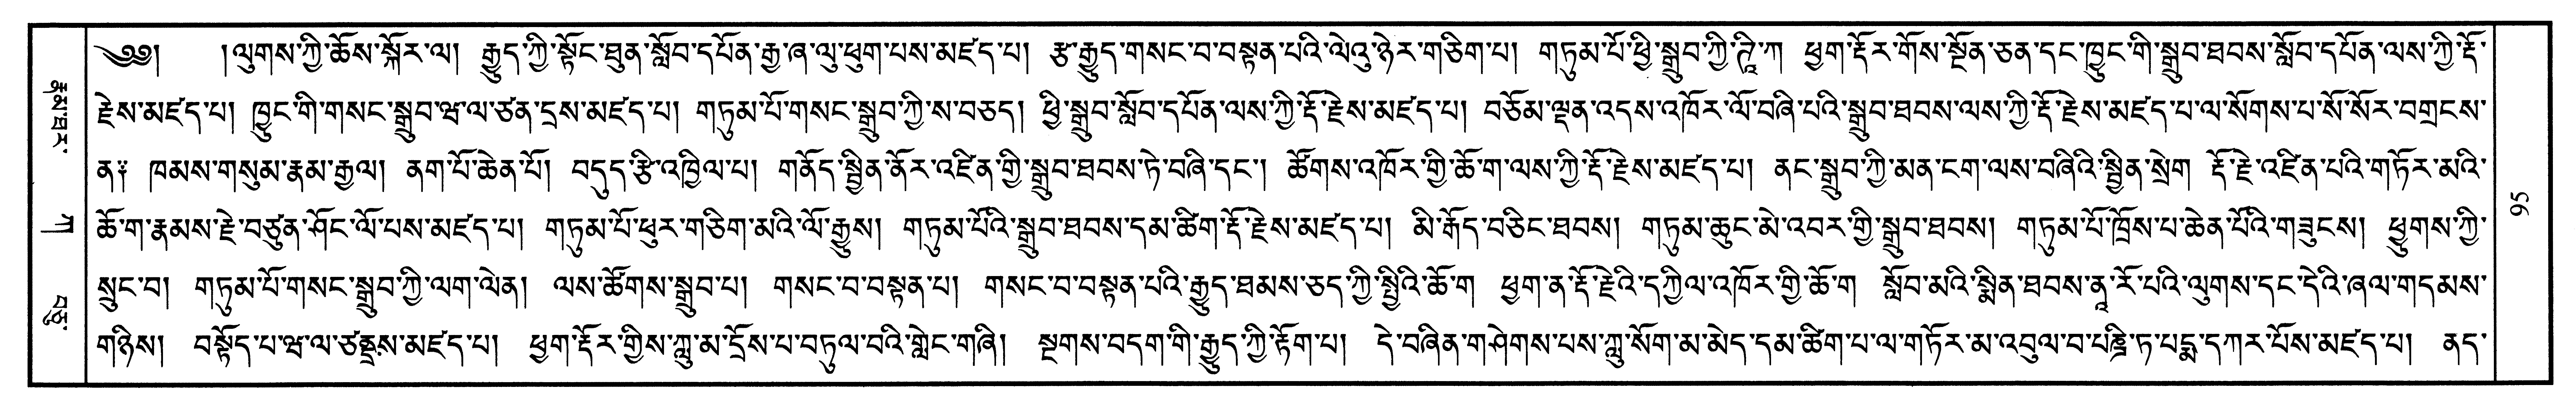༄༅། །ལུགས་ཀྱི་ཆོས་སྐོར་ལ། རྒྱུད་ཀྱི་སྟོང་ཐུན་སློབ་དཔོན་རྒྱ་ཞ་ལུ་ཕུག་པས་མཛད་པ། རྩ་རྒྱུད་གསང་བ་བསྟན་པའི་ལེའུ་ཉེར་གཅིག་པ། གཏུམ་པོ་ཕྱི་སྒྲུབ་ཀྱི་ཊཱི་ཀ། ཕྱག་རྡོར་གོས་སྔོན་ཅན་དང་ཁྱུང་གི་སྒྲུབ་ཐབས་སློབ་དཔོན་ལས་ཀྱི་རྡོ་
རྗེས་མཛད་པ། ཁྱུང་གི་གསང་སྒྲུབ་ཝ་ལ་ཙན་དྲས་མཛད་པ། གཏུམ་པོ་གསང་སྒྲུབ་ཀྱི་ས་བཅད། ཕྱི་སྒྲུབ་སློབ་དཔོན་ལས་ཀྱི་རྡོ་རྗེས་མཛད་པ། བཅོམ་ལྡན་འདས་འཁོར་ལོ་བཞི་པའི་སྒྲུབ་ཐབས་ལས་ཀྱི་རྡོ་རྗེས་མཛད་པ་ལ་སོགས་པ་སོ་སོར་བགྲངས་
ན༑ ཁམས་གསུམ་རྣམ་རྒྱལ། ནག་པོ་ཆེན་པོ། བདུད་རྩི་འཁྱིལ་པ། གནོད་སྦྱིན་ནོར་འཛིན་གྱི་སྒྲུབ་ཐབས་ཏེ་བཞི་དང་། ཚོགས་འཁོར་གྱི་ཆོ་ག་ལས་ཀྱི་རྡོ་རྗེས་མཛད་པ། ནང་སྒྲུབ་ཀྱི་མན་ངག་ལས་བཞིའི་སྦྱིན་སྲེག། རྡོ་རྗེ་འཛིན་པའི་གཏོར་མའི་
ཆོ་ག་རྣམས་རྗེ་བཙུན་ཤོང་ལོ་པས་མཛད་པ། གཏུམ་པོ་ཕུར་གཅིག་མའི་ལོ་རྒྱུས། གཏུམ་པོའི་སྒྲུབ་ཐབས་དམ་ཚིག་རྡོ་རྗེས་མཛད་པ། མི་རྒོད་བཅིང་ཐབས། གཏུམ་ཆུང་མེ་འབར་གྱི་སྒྲུབ་ཐབས། གཏུམ་པོ་ཁྲོས་པ་ཆེན་པོའི་གཟུངས། ཕྱུགས་ཀྱི་
སྲུང་བ། གཏུམ་པོ་གསང་སྒྲུབ་ཀྱི་ལག་ལེན། ལས་ཚོགས་སྒྲུབ་པ། གསང་བ་བསྟན་པ། གསང་བ་བསྟན་པའི་རྒྱུད་ཐམས་ཅད་ཀྱི་སྤྱིའི་ཆོ་ག། ཕྱག་ན་རྡོ་རྗེའི་དཀྱིལ་འཁོར་གྱི་ཆོ་ག། སློབ་མའི་སྨིན་ཐབས་ནཱ་རོ་པའི་ལུགས་དང་དེའི་ཞལ་གདམས་
གཉིས། བསྟོད་པ་ཝ་ལ་ཙནྡྲས་མཛད་པ། ཕྱག་རྡོར་གྱིས་ཀླུ་མ་དྲོས་པ་བཏུལ་བའི་གླེང་གཞི། སྔགས་བདག་གི་རྒྱུད་ཀྱི་རྟོག་པ། དེ་བཞིན་གཤེགས་པས་ཀླུ་སོགས་མ་མེད་དམ་ཚིག་པ་ལ་གཏོར་མ་འབུལ་པ་པཎྜི་ཏ་པདམ་དཀར་པོས་མཛད་པ། ནད་